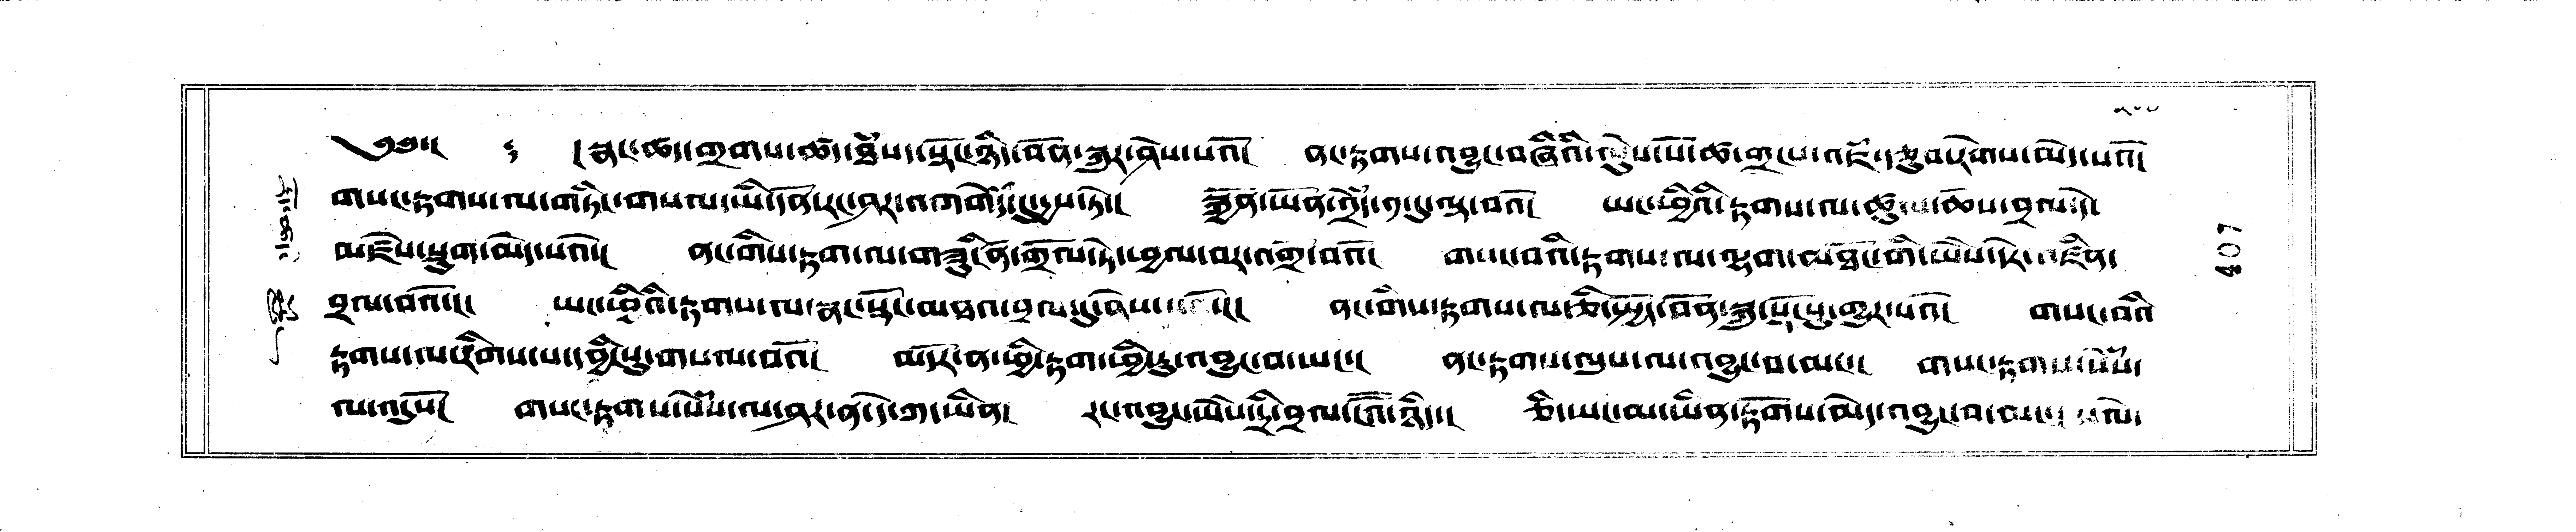སྣང་ཚད་གྲག་ཚད་ཐམས་ཅད་སྟོང་ཉིད་བོན་སྐུ་རུ་ཤེས་པའོ། ནང་གིས་རྟགས་སུ་འབྱུང་བཞིའི་ལུས་ལ་ཚ་གྲང་འཇམ་རྩུབ་རེག་བྱ་མེད་པའོ། 
གསང་བའི་རྟགས་ལ་གཏིང་གསལ་གྱིས་དོན་རང་ཤར་འགག་མེད་དུ་རྒྱས་ཏེ། སྐྱོན་ཡོན་དུ་གཉིས་མེད་དུ་ཤེས་པའོ། ཡང་ཕྱིའི་རྟགས་ནི། ཚུལ་ཆོས་བྲལ་ཏེ་
མཛེས་སྡུག་མེད་པའོ། ནང་གིས་རྟགས་ལ་གཟུང་འཛིན་གྲོལ་ཏེ་ཕྱལ་བར་འགྲོ་བའོ། གསང་བའི་རྟགས་ལ་”ལྷག་མཐོང་གི་ཡེ་ཤེས་དེར་འཛིན་
བྲལ་བའོ། ཡང་ཕྱི་ཡི་རྟགས་ལ་སྣང་སྟོང་མཐལ་བྲལ་དུ་ཤེས་པའོ། ནང་གི་རྟགས་ལ”་ཅི་སྤྱོད་བོན་སྐུའི་སྟོངས་སུ་འགྱུར་བའོ། གསང་བའི་
རྟགས་ལ་རིག་པ་དབྱིངས་སུ་གསལ་བའོ། མདོར་ན་ཕྱི་རྟགས་ཕྱི་རུ་འབྱུང་བ་ཡང་། ནང་རྟགས་ལུས་ལ་འབྱུང་བ་ལ། གསང་རྟགས་སེམས་
ལ་འདུས་སོ། གསང་རྟགས་སེམས་ལ་ཤར་བ་དེ་ཀ་ཡིན། རང་འབྱུང་ཡེ་ཤེས་དྲི་བྲལ་ངོའོ་ཉིད། ཅིར་ཡང་མ་ཡིན་རྟོག་མེད་སལེ་